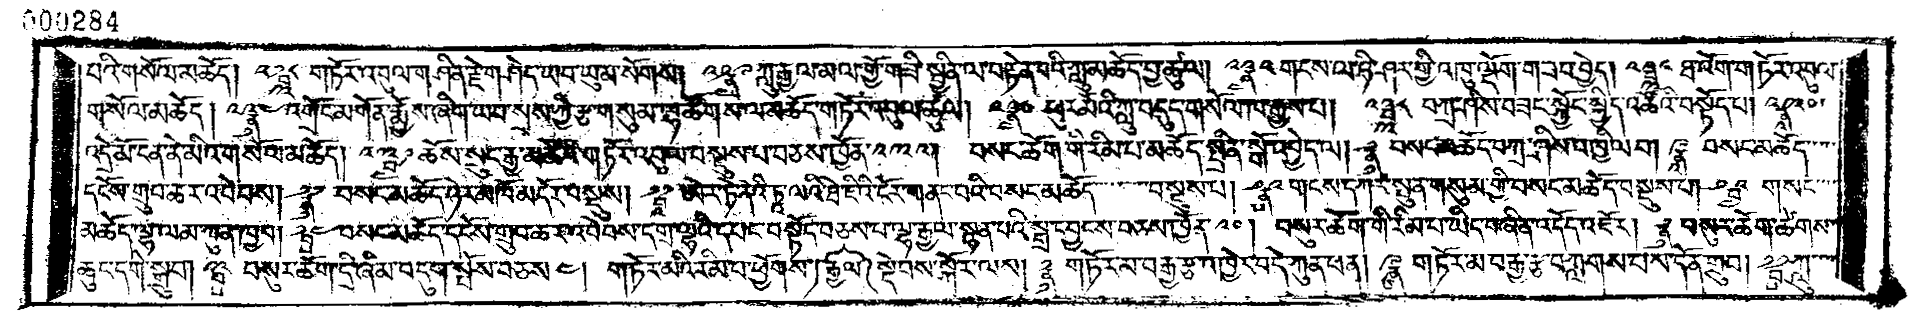པའི་གསོལ་མཆོད། ༢༡༨བ༣་གཏོར་འབུལ་གཤིན་རྗེ་གཤེད་ཡབ་ཡུམ་སོགས། ༢༡༩ན༤་ཀླུ་རྒྱལ་མལ་གྱོ་གཟི་སྦྱིན་ལ་བརྟེན་པའི་ཀླུ་མཆོད་བྱ་ཚུལ། ༢༢༢ན༤་གངས་ལ་ཉི་ཤར་གྱི་འཁུ་ལྡོག་གཟབ་བྱེད། ༢༢༢བ༣་ཐ་འོག་གཏོར་འབུལ་
གསོལ་མཆོད། ༢༢༤ན༡་འགྲོང་མགོན་རྨྱོས་ཞིག་ཡབ་སྲས་ཀྱི་རྩ་གསུམ་ལྷ་ཚོགས་ལ་མཆོད་གཏོར་འབུལ་ཚུལ། ༢༢༦ན༤་ཕུར་མོའི་ཀླུ་བདུད་གསོལ་ཁ་རྒྱས་པ། ༢༢༨བ༣་བཀྲ་ཤིས་བཟང་སྐྱོང་སྐྱིད་འཚོའི་བསྟོད་པ། ༢༣༠ན༢
འདྲེ་མོ་ངན་ནེ་མའི་གསོལ་མཆོད། ༢༣༡བ༤་ཆོས་སྲུང་རྒྱ་མཚོའི་གཏོར་འབུལ་བསྡུས་པ་བཅས་ཁྱོན ༢༣༢། བསང་ཆོག་གི་རིམ་པ་མཆོད་སྤྲིན་སྒོ་འབྱེད་ལ། ༡ན༡་བསང་མཆོད་བཀྲ་ཤིས་འཁྱིལ་བ། ༩ན༢་བསང་མཚེད་
དངོས་གྲུབ་ཆར་འབེབས། ༡༡ན༡་བསང་མཆོད་ཉེར་མཁོ་མདོར་བསྡུས། ༡༡བ༢་ཨེར་ཏེ་ནེའི་ཏཱ་ལའི་ཐེ་ཇིའི་ངོར་གནང་བའི་བསང་མཆོད་བསྡུས་པ། ༡༢ན༥་གངས་དཀར་སྤུན་གསུམ་གྱི་བསང་མཆོད་བསྡུས་པ། ༡༢བ༤་གསང་
མཆོད་ལྷ་ལམ་ཀུན་ཁྱབ། ༡༤བ༥་བསང་མཆོད་དངོས་གྲུབ་ཆར་འབེབས་དགྲ་ལྷའི་དབང་བསྟོད་བཅས་པ་ལྷ་རྒྱལ་སྙན་པའི་སྒྲ་དབྱངས་བཅས་ཁྱོན ༢༠། བསུར་ཆོག་གི་རིམ་པ་ཡིད་བཞིན་འདོད་འཇོར། ༡ན༡་བསུར་ཆོག་ཚེགས་
ཆུང་དགེ་སྒྲུབ། ༣བ༥་བསུར་ཆོག་དྲི་ཞིམ་བདུག་སྤོས་བཅས ༤། གཏོར་མའི་རིམ་པ་ཕྱོགས ༼རྒྱལ༽ སྡེབས་སྐོར་ལས། ༡ན༡་གཏོར་མ་བརྒྱ་རྩ་འཁྱེར་བདེ་ཀུན་ཕན། ༩ན༦་གཏོར་མ་བརྒྱ་རྩ་བཀླགས་པས་དོན་གྲུབ། ༡༡བ༥་ཀླུ་